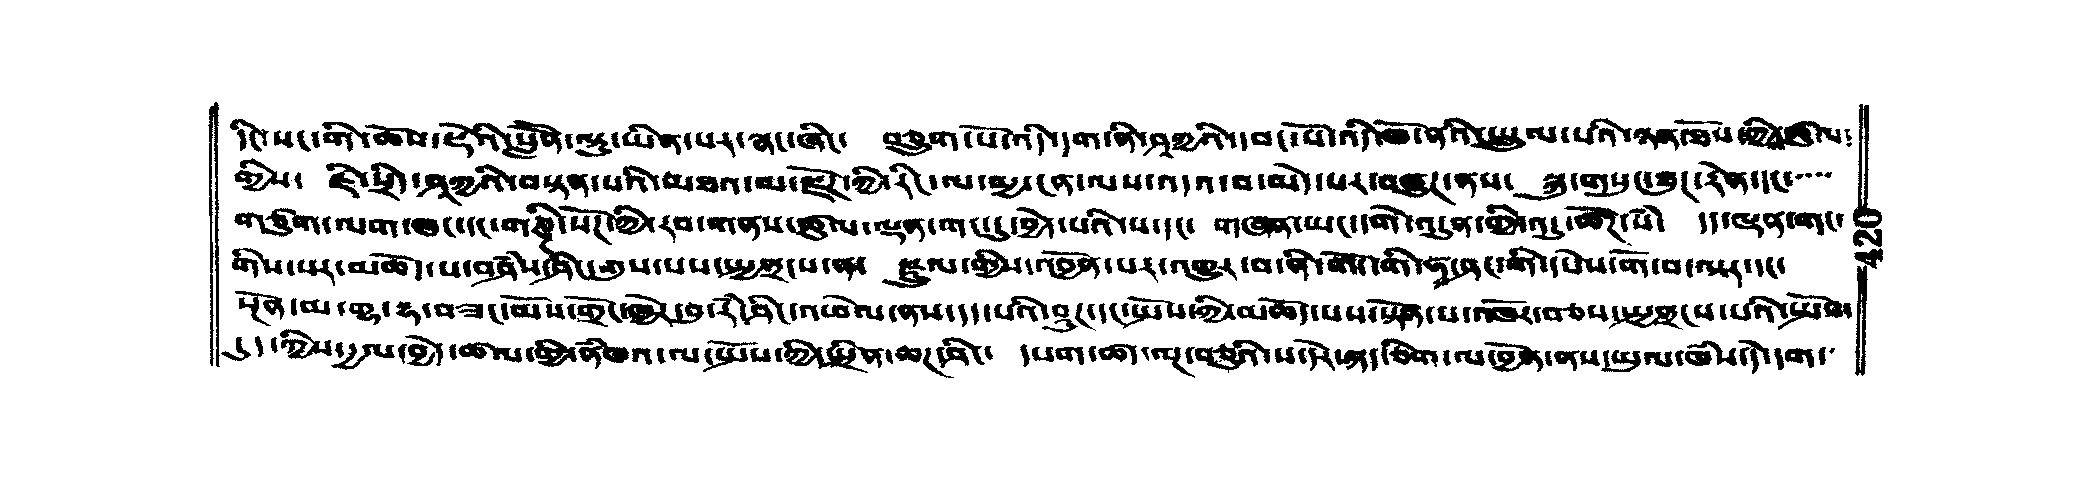དིང་སང་གི་ཆོས་སྡེའི་སློབ་དཔོན་ལྟ་བུ་ཡིན་པར་སྣང་ཞིང་། བཅུ་དྲུག་པོ་འདི་དག་ནི་ཤཱཀྱའི་དབང་པོ་འདི་ཁོ་ནའི་སྤྲུལ་པའི་ཉན་ཐོས་ཀྱིས་ཚུལ་
གྱིས། ཇི་སྲིད་ཤཱཀྱའི་བསྟན་པའི་མཐའ་མ་རྫོགས་ཀྱི་རིང་ལ་མྱ་ངན་ལས་འདའ་བ་མེད་པར་བཞུགས་ནས། སྐུ་གསུང་ཐུགས་རྟེན་དང
གཙུག་ལག་ཁང་དང་གཎྜི་སོགས་ཀྱི་རབ་གནས་ཚུལ་ལྡན་གང་དུ་བྱེད་པའི་ས་དང་། གཞན་ཡང་དགེ་འདུན་གྱི་འདུ་ཚོགས་སམ། དད་ལྡན་གང་
གིས་སར་མཆོད་པ་བཤམས་ཤིང་གུས་པས་སྤྱན་དྲངས་ན། རྫུ་འཕྲུལ་གྱིས་འབྱོན་པར་འགྱུར་བ་ནི་གོང་གི་ཧྭ་ཤང་གི་དཔེས་གོ་བ་ལྟར་དང་། 
སྔོན་མ་གྷ་དྷ་བཟང་མོས་གྲོང་ཁྱེར་བུ་རམ་ཤིང་འཕེལ་ནས་དད་པའི་ཤུགས་དང་སྤོས་ཀྱི་མཆོད་པས་སྟོན་པ་འཁོར་བཅས་སྤྱན་དྲངས་པའི་སྤོས་
དུད་ཀྱིས་རྒྱལ་བྱེད་ཚལ་གྱི་ནམ་མཁའ་ལ་སྤོས་ཀྱི་སྤྲིན་ཆགས་ཤིང་། དཔག་ཚད་ལྔ་བཅུའི་ས་དེར་སྐད་ཅིག་ལ་བྱོན་ནས་ཡུལ་ཁམས་དེ་དག་